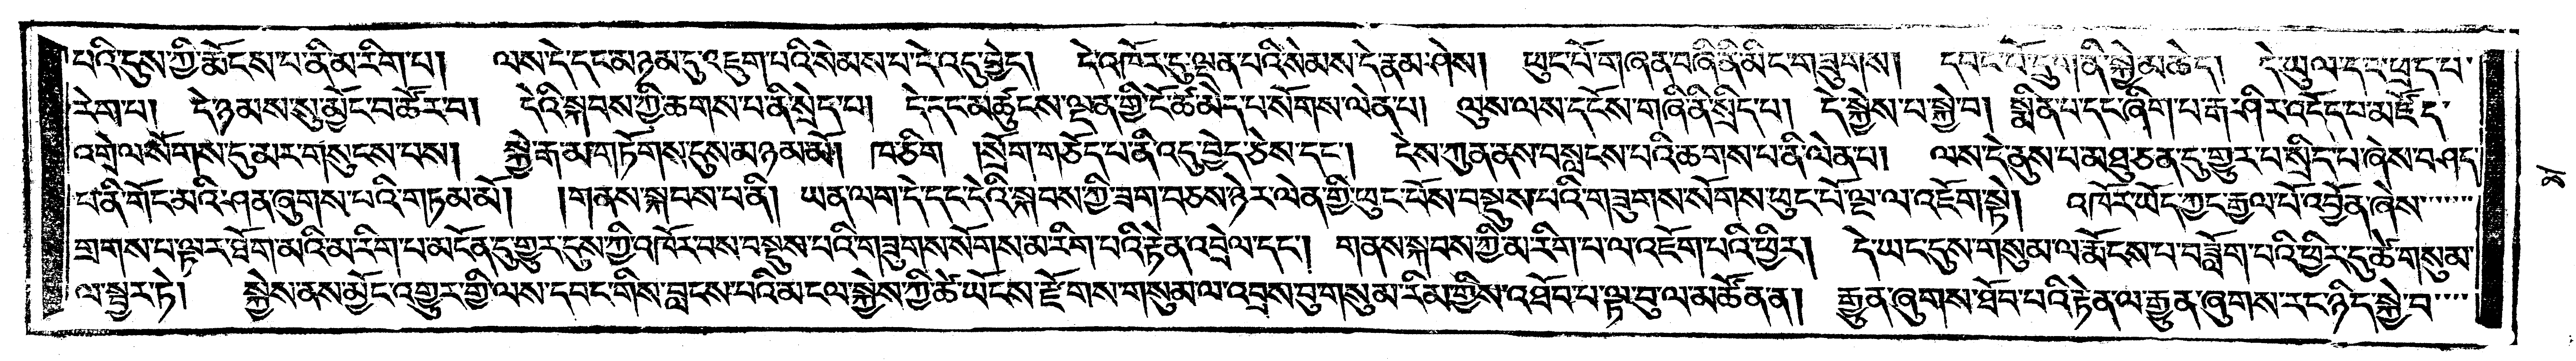པའི་དུས་ཀྱི་རྨོངས་པ་ནི་མ་རིག་པ། ལས་དེ་དང་མཉམ་དུ་འཇུག་པའི་སེམས་པ་དེ་འདུ་བྱེད། དེ་འཁོར་དུ་ལྡན་པའི་སེམས་དེ་རྣམ་ཤེས། ཕུང་པོ་གཞན་བཞི་ནི་མིང་གཟུགས། དབང་པོ་དྲུག་ནི་སྐྱེ་མཆེད། དེ་ཡུལ་དང་ཕྲད་པ་
རེག་པ། དེ་ཉམས་སུ་མྱོང་བ་ཚོར་བ། དེའི་སྐབས་ཀྱི་ཆགས་བ་ནི་སྲེད་བ། དེ་དང་མཚུངས་ལྡན་གྱི་ངོ་ཚ་མེད་པ་སོགས་ལེན་པ། ལུས་ལས་དངོས་གཞི་ནི་སྲིད་པ། དེ་སྐྱེས་པ་སྐྱེ་པ། སྨིན་པ་དང་ཞིག་པ་རྒ་ཤིར་འདོད་པ་མཛོད་
འགྲེལ་སོགས་དུ་མར་གསུངས་པས། སྐྱེ་རྒ་མ་གཏོགས་དུས་མཉམ་མོ། ཁ་ཅིག །སྲོག་གཅོད་པ་ནི་འདུ་བྱེད་ཅེས་དང་། དེས་ཀུན་ནས་བསླངས་པའི་ཆགས་པ་ནི་ལེན་པ། ལས་དེ་ནུས་བ་མཐུ་ཅན་དུ་གྱུར་པ་སྲིད་པ་ཞེས་བཤད་
པ་ནི་གོང་མའི་ཤན་ཞུགས་པའི་གཏམ་མོ། །གནས་སྐབས་པ་ནི། ཡན་ལག་དེ་དང་དེའི་སྐབས་ཀྱི་ཟག་བཅས་ཉེར་ལེན་གྱི་བུང་པོས་བསྡུས་པའི་གཟུགས་སོགས་ཕུང་པོ་ལྔ་ལ་འཇོག་སྟེ། འཁོར་ཡོད་ཀྱང་རྒྱལ་པོ་འབྱོན་ཞེས་
གྲགས་བ་ལྟར་ཐོག་མའི་མ་རིག་པ་མངོན་དུ་གྱུར་དུས་ཀྱི་འཁོར་བས་བསྡུས་པའི་གཟུགས་སོགས་མ་རིག་པའི་རྟེན་འབྲེལ་དང་། གནས་སྐབས་ཀྱི་མ་རིག་པ་ལ་འཇོག་པའི་ཕྱིར། དེ་ཡང་དུས་གསུམ་ལ་རྨོངས་པ་བཟློག་པའི་ཕྱིར་དུ་ཚེ་གསུམ་
ལ་སྦྱར་ཏེ། སྐྱེས་ནས་མྱོང་འགྱུར་གྱི་ལས་དབང་གིས་བླངས་པའི་མངལ་སྐྱེས་ཀྱི་ཚེ་ཡོངས་རྫོགས་གསུམ་ལ་འབྲས་བུ་གསུམ་རིམ་གྱིས་འཐོབ་པ་ལྟ་བུ་ལ་མཚོན་ན། རྒྱུན་ཞུགས་ཐོབ་བའི་རྟེན་ལ་རྒྱུན་ཞུགས་རང་ཉིད་སྐྱེ་བ་